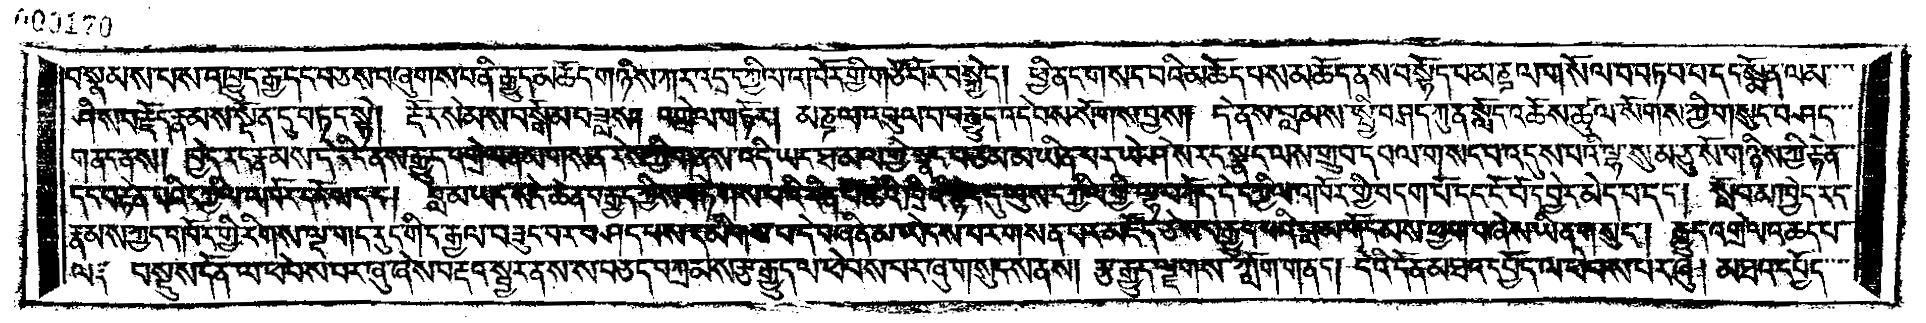བསྣམས་པས་འཁྱུད་རྒྱ་དང་བཅས་བཞུགས་པ་ནི་རྒྱུད་མཆོད་གཉིས་ཀར་འདྲ་དཀྱིལ་འཁོར་གྱི་གཙོ་བོར་བསྐྱེད། ཕྱི་ནང་གསང་བའི་མཆོད་པས་མཆོད་ནས་བསྟོད་པ་མཎྜལ་གསོལ་བ་བཏབ་པ་དང་སྨོན་ལམ་
ཤིས་བརྗོད་རྣམས་སྔོན་དུ་བཏང་སྟེ། རྡོར་སེམས་བསྒོམ་བཟླས། འགྲེལ་གཏོར། མཎྜལ་འབུལ་བ་བརྒྱུད་འདེབས་སོགས་བྱས། དེ་ནས་བླ་མས་སྤྱི་བཤད་ཀུན་སློང་འཆོས་ཚུལ་སོགས་ཀྱི་གསུང་བཤད་
གནང་ནས། ཁྱེད་རང་རྣམས་དེ་རིང་ནས་རྒྱུད་འགྲེལ་ནམ་གསན་རེས་ཀྱི་གནས་འདི་ཡང་ཐ་མལ་གྱི་སྣང་བ་ཙམ་མ་ཡིན་པར་ཡེ་ཤེས་རང་སྣང་ལས་གྲུབ་དཔལ་གསང་བ་འདུས་པའི་ལྷ་སུམ་ཅུ་སོ་གཉིས་ཀྱི་རྟེན་
དང་བརྟེན་པའི་དཀྱིལ་འཁོར་དངོས་དང་། བླ་མ་ཡང་སེང་ཆེན་བརྒྱད་ཀྱིས་བཏེགས་པའི་རིན་པོ་ཆེའི་ཁྲིའི་སྟེང་དུ་ལུས་དཀྱིལ་གྱི་ལྷ་བཀོད་དེ་དཀྱིལ་འཁོར་གྱི་བདག་པོ་དང་ངོ་བོ་དབྱེར་མེད་པ་དང་། སློབ་མ་ཁྱེད་རང་
རྣམས་ཀྱང་འཁོར་གྱི་རིགས་ལྔ་གང་རུང་གི་ང་རྒྱལ་བཟུང་བར་བཤད་པས་དམིགས་པ་དེ་བཞིན་མ་ཡེངས་པར་གསན་པར་མཛོད་ཅེས་བརྒྱུད་པའི་བླ་མ་གོང་མས་ཕྱག་བཞེས་ཡིན་གསུང་། རྒྱུད་འགྲེལ་འཆད་པ་
ལ༑ བསྡུས་དོན་ལ་ཕེབས་པར་ཞུ་ཞེས་བརྡའ་སྦྱར་ནས་ས་བཅད་བཀྲམས་རྩ་རྒྱུད་ལ་ཕེབས་པར་ཞུ་གསུངས་ནས། རྩ་རྒྱུད་ལྗགས་ཀློག་གནང་། དེའི་དོན་མཐའ་དཔྱོད་ལ་ཕེབས་པར་ཞུ། མཐའ་དཔྱོད་